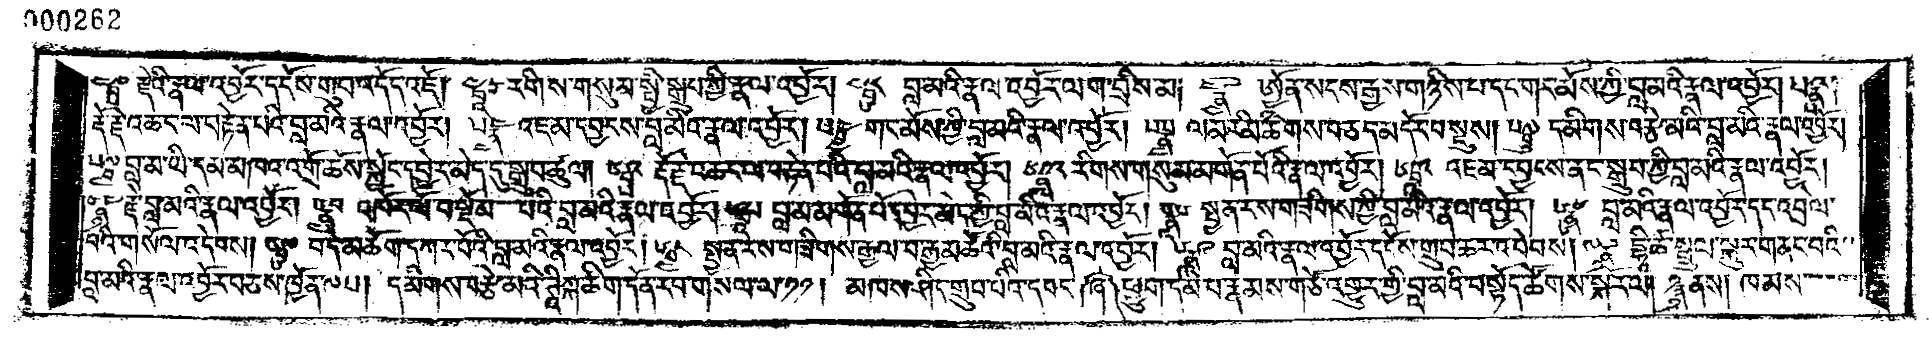༤༠བ༥་རྗེའི་རྣལ་འབྱོར་དངོས་གྲུབ་འདོད་འཇོ། ༤༦བ༢་རིགས་གསུམ་སྤྱི་སྒྲུབ་ཀྱི་རྣལ་འབྱོར། ༤༨བ༦་བླ་མའི་རྣལ་འབྱོར་ལག་བྲིས་མ། ༤༦ན༤་ཨཡོན་སངས་རྒྱས་གཉིས་པ་དང་གང་མོས་ཀྱི་བླ་མའི་རྣལ་འབྱོར། ༥༢ན༥།
རྡོ་རྗེ་འཆང་ལ་བརྟེན་པའི་བླ་མའི་རྣལ་འབྱོར། ༥༤ན༤་འཇམ་དབྱངས་བླ་མའི་རྣལ་འབྱོར། ༥༤བ༤་གང་མོས་ཀྱི་བླ་མའི་རྣལ་འབྱོར། ༥༥ན༤་ལམ་རིམ་ཆིགས་བཅད་མདོར་བསྡུས། ༥༧བ༡་དམིགས་བརྩེ་མའི་བླ་མའི་རྣལ་འབྱོར།
༥༧བ༤་བླ་མ་ཡི་དམ་མཁའ་འགྲོ་ཆོས་སྐྱོང་དབྱེར་མེད་དུ་སྒྲུབ་ཚུལ། ༦༢བ༥་རྡོ་རྗེ་འཆང་ལ་བརྟེན་པའི་བླ་མའི་རྣལ་འབྱོར། ༦༣ན༣་རིགས་གསུམ་མགོན་པོའི་རྣལ་འབྱོར། ༦༣བ༢་འཇམ་དབྱངས་ནང་སྒྲུབ་ཀྱི་བླ་མའི་རྣལ་འབྱོར།
༤༤ན༡་རྗེ་བླ་མའི་རྣལ་འབྱོར། ?ན༤་འཁོར་ལོ་བསྡོམ་པའི་བླ་མའི་རྣལ་འབྱོར། ༦༥བ༢་བླ་མ་མགོན་པོ་དབྱེར་མེད་ཀྱི་བླ་མའི་རྣལ་འབྱོར། ༦༦ན༢་སྤྱན་རས་གཟིགས་ཀྱི་བླ་མའི་རྣལ་འབྱོར། ༦༦ན༦་བླ་མའི་རྣལ་འབྱོར་དང་འབྲེལ་
བའི་གསོལ་འདེབས། ༦༧བ༦་བདེ་མཆོག་དཀར་པོའི་བླ་མའི་རྣལ་འབྱོར། ༦༨བ༤་སྤྱན་རས་གཟིགས་རྒྱལ་བ་རྒྱ་མཚོའི་བླ་མའི་རྣལ་འབྱོར། ༦༩ན༣་བླ་མའི་རྣལ་འབྱོར་དངོས་གྲུབ་ཆར་འབེབས། ༧?ན༡་དྷཱི་ཚ་སྦྲུལ་སྐུར་གནང་བའི་
བླ་མའི་རྣལ་འབྱོར་བཅས་ཁྱོན ༧༥། དམིགས་བརྩེ་མའི་ཊཱིཀྐ་ཚིག་དོན་རབ་གསལ་ལ ༡༡། མཁས་ཤིང་གྲུབ་པའི་དབང ༼ཞ༽ ཕྱུག་དམ་པ་རྣམས་གཙོ་འགྱུར་གྱི་བླ་མའི་བསྟོད་ཚོགས་སྐོར་ལ། ༡ན༡་ནས། ཁམ་